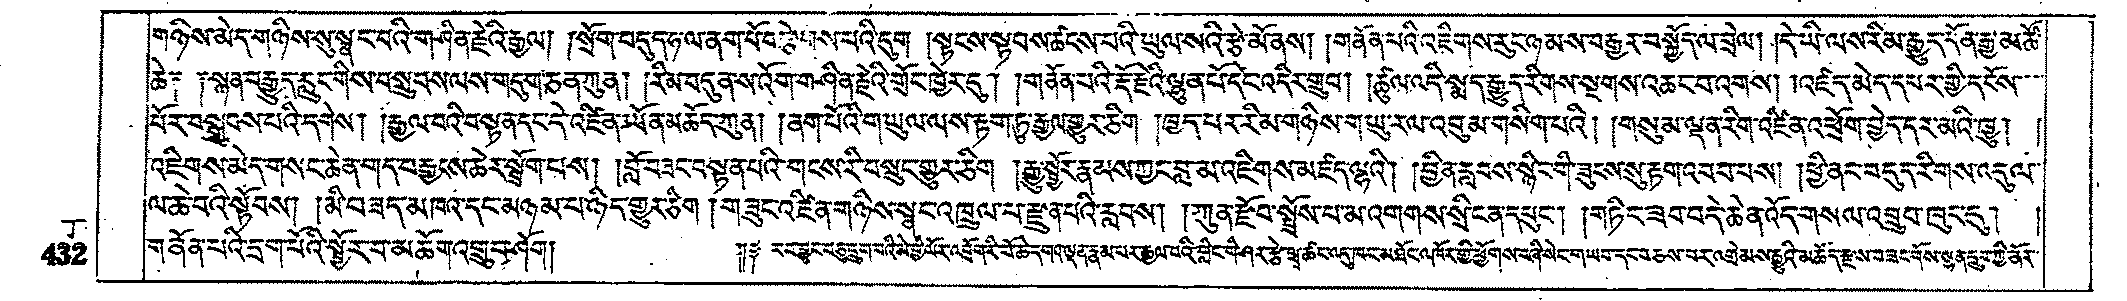གཉིས་མེད་གཉིས་སུ་སྣང་བའི་གཤིན་རྗེའི་རྒྱལ། །སྲོག་བདུད་ཧ་ལ་ནག་པོ་བརྩེགས་པའི་དུག །སྟངས་སྟབས་ཚངས་པའི་ཡུལ་སའི་རྩེ་མོ་ནས། །གནོན་པའི་འཇིགས་རུང་ཉམས་བརྒྱར་བསྐྱོད་ལ་བྲེལ། །དེ་ཡི་ལས་རིམ་རྒྱུད་དོན་རྒྱ་མཚོ་
ཆེ༑ ༑སྙན་བརྒྱུད་རླུང་གིས་བསྲུབས་ལས་གདུག་ཅན་ཀུན། །རིམ་བདུན་ས་འོག་གཤིན་རྗེའི་གྲོང་ཁྱེར་དུ། །གནོན་པའི་རྡོ་རྗེའི་ལྷུན་པོ་དེང་འདིར་གྲུབ། །ཚུལ་འདི་སྨད་རྒྱུད་རིགས་སྔགས་འཆང་བ་འགས། །འཛད་མེད་དཔར་གྱི་དངོས་་་
པོར་བསྒྲུབས་པའི་དགེས། །རྒྱལ་བའི་བསྟན་དང་དེ་འཛིན་ཡོན་མཆོད་ཀུན། །ནག་པོའི་གཡུལ་ལས་རྟག་ཏུ་རྒྱལ་གྱུར་ཅིག །ཁྱད་པར་རིམ་གཉིས་གཡུ་རལ་འབུམ་གསིག་པའི། །གསུམ་ལྡན་རིག་འཛིན་འཕྲོག་བྱེད་དར་མའི་ཁྱུ། །
འཇིགས་མེད་གསང་ཆེན་གད་བརྒྱངས་ཆེར་སྒྲོག་པས། །བློ་བཟང་བསྟན་པའི་གངས་རི་བསྲུང་གྱུར་ཅིག །རྒྱུ་སྦྱོར་རྣམས་ཀྱང་བླ་མ་འཇིགས་མཛད་ལྷའི། །བྱིན་རླབས་སྙིང་གི་ཟུངས་སུ་རྟག་འབབ་པས། །ཕྱི་ནང་བདུད་རིགས་འདུལ་་་
ལ་ཆེ་བའི་སྟོབས། །མི་བཟད་མཁའ་དང་མཉམ་པ་ཉིད་གྱུར་ཅིག །གཟུང་འཛིན་གཉིས་སྣང་འཁྲུལ་པ་རྫུན་པའི་རླབས། །ཀུན་རྫོབ་སྤྲོས་པ་མ་འགགས་སྲི་ངན་དཔུང་། །གཏིང་ཟབ་བདེ་ཆེན་འོད་གསལ་འབྲུབ་ཁུང་དུ། །
གནོན་པའི་དྲག་པོའི་སྦྱོར་བ་མཆོག་འགྲུབ་ཤོག། །།འ་རབ་བྱུང་བཅུ་དྲུག་པའི་མེ་བྱི་ལོར་འབྲོག་རི་བོ་ཆེ་དགའ་ལྡན་རྣམ་པར་རྒྱལ་བའི་གླིང་གི་ཤར་རྩེ་གྲྭ་ཚང་འདུ་ཁང་མཐོང་འཁོར་གྱི་ཕྱོགས་བཞི་སེང་གཡབ་དང་བཅས་པར་འགྲེམས་རྒྱུའི་མཆོད་རྫས་བཟང་གོས་ལྷན་དྲུབ་ཀྱི་ནོར་་་